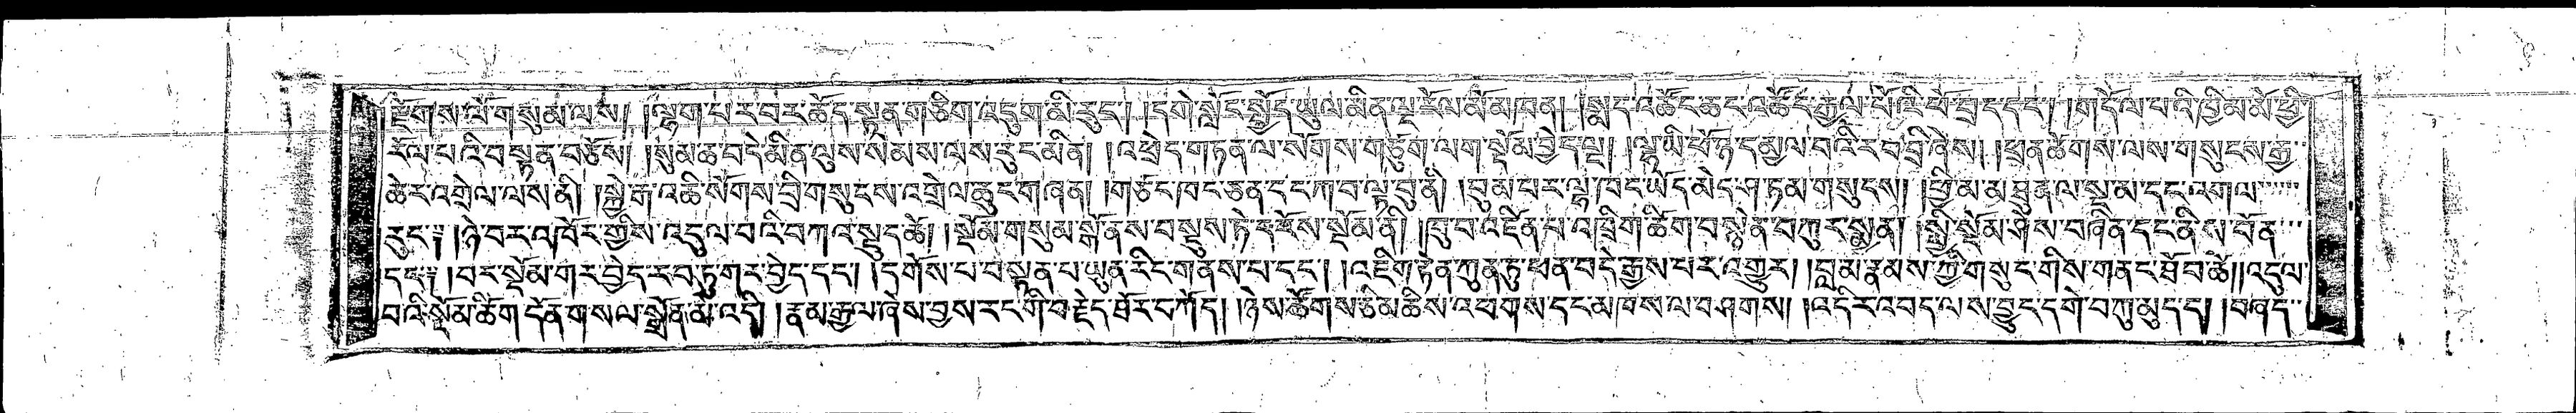རྫོགས་ལོ་གསུམ་ལས། །ལྷག་པར་བར་ཆོད་སྟན་གཅིག་འདུག་མི་རུང་། །དགེ་སློང་སྤྱོད་ཡུལ་མིན་ལྔ་རོལ་མོ་མཁན། །སྨད་འཚོང་ཆང་འཚོང་རྒྱལ་པོའི་ཕོ་བྲང་དང་། །གདོལ་པའི་ཁྱིམ་མོ་ཕྱི་
རོལ་པའི་བསྟན་བཅོས། །སུམ་ཆ་བདེ་མིན་ལུས་སེམས་ལས་རུང་མིན། །འཕྲེད་གཏན་ལ་སོགས་གཙུག་ལག་སྡོམ་བྱེད་ལྔ། །ལྷ་ཡི་ཕོ་ཉ་དམྱལ་བའི་རབ་བྲི་ཞེས། །ཕྲན་ཆོགས་ལས་གསུངས་རྒྱ་
ཆེར་འགྲེལ་ལས་ནི། །སྐྱེ་རྒ་འཆི་སོགས་བྲི་གསུངས་འགྲེལ་ཆུང་གཞན། །གཙང་ཁང་ཅན་དང་ཀ་བ་ལྟ་བུ་ནི། །བུམ་པར་ལྷ་ཁང་ཡོད་མེད་ཤ་ཏམ་གསུངས། །ཕྱི་མ་མཐུན་ལ་སྔ་མ་དང་འགལ་
རུང༑ །ཉེ་བར་འཁོར་གྱིས་འདུལ་བའི་བཀའ་སྡུད་ཚེ། །སྡོམ་གསུམ་སྒོ་ནས་བསྡུས་ཏེ་དངོས་སྔོམ་ནི། །ཁུ་བ་འཛིན་པ་འཁྲིག་ཚིག་བསྙེན་བཀུར་སྨྱན། །སྤྱི་སྡོམ་ཤེས་བཞིན་དང་ནི་ས་བོན་
དང༑ །བར་སྡོམ་གར་བྱེད་རབ་ཏུ་གར་བྱེད་དང་། །དགོས་པ་བསྟན་པ་ཡུན་རིང་གནས་པ་དང་། །འཇིག་རྟེན་ཀུན་ཏུ་ཕན་བདེ་རྒྱས་པར་འགྱུར། །བླ་མ་རྣམས་ཀྱི་གསུང་གིས་གནང་ཐོབ་ཚེ། །འདུལ་
བའི་སྡོམ་ཚིག་དོན་གསལ་སྒྲོན་མེ་འདི། །རྣམ་རྒྱལ་ཞེས་བྱས་རང་གི་བརྗེད་ཐོར་བཀོད། །ཉེས་ཚོགས་ཅི་མཆིས་འཕགས་དང་མཁས་ལ་བཤགས། །འདིར་འབད་ལས་བྱུང་དགེ་བ་ཀུ་མུད་ད། །བཞད་